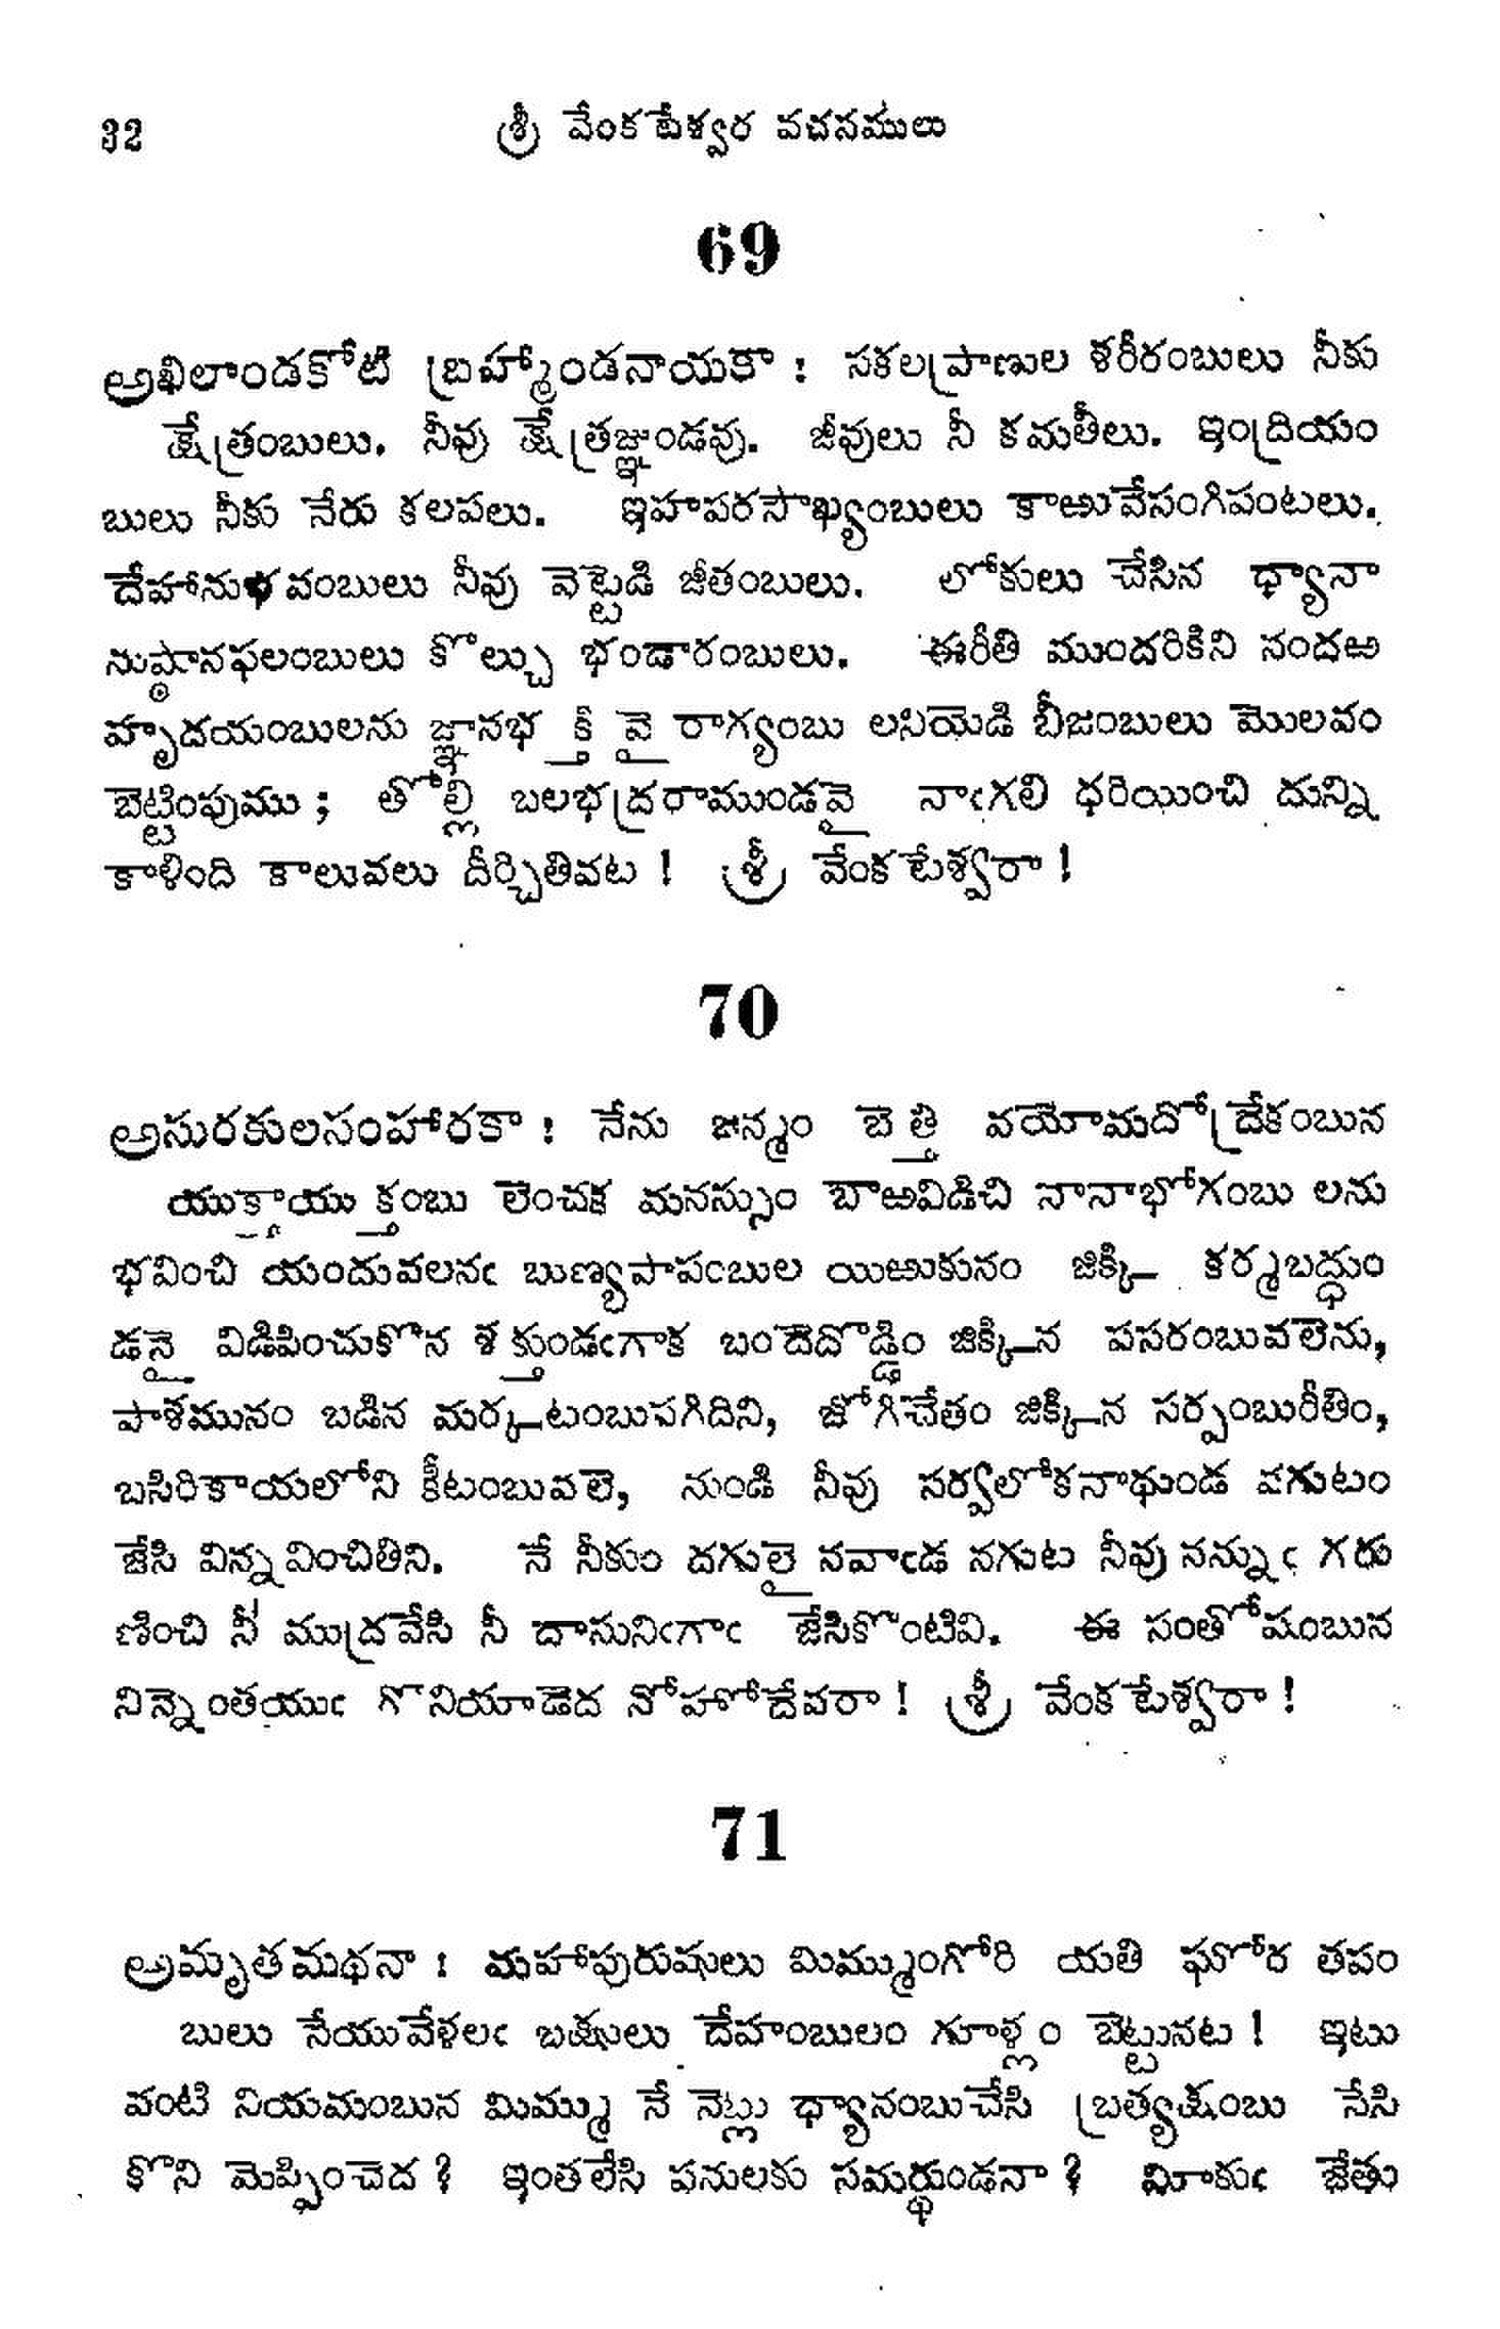69

 ! సకల ప్రాణుల శరీరంబులు నీకు క్షేత్రంబులు. నీవు క్షేత్రజ్ఞుండవు. జీవులు నీ కమతీలు. ఇంద్రియంబులు నీకు నేరు కలపలు. ఇహపర సౌఖ్యంబులు కాఱు వేసంగిపంటలు. దేహానుభవంబులు నీవు వెట్టెడి జీతంబులు. లోకులు చేసిన ధ్యానానుష్ఠానఫలంబులు కొల్చు భండారంబులు. ఈరీతి ముందరికిని సందఱ హృదయంబులను జ్ఞానభక్తి వైరాగ్యంబు లనియెడి బీజంబులు మొలవం బెట్టింపుము ; తొల్లి బలభద్రరాముండవై నాఁగలి ధరియించి దున్ని కాళింది కాలువలు దీర్చితివట ! శ్రీ వేంకటేశ్వరా !

70

 ! నేను జన్మం బెత్తి వయోమదోద్రేకంబున యుక్తాయుక్తంబు లెంచక మనస్సుం బాఱవిడిచి నానాభోగంబు లనుభవించి యందువలనఁ బుణ్యపాపంబుల యిఱుకునం జిక్కి కర్మబద్దుండనై విడిపించుకొన శక్తుండఁగాక బందెదొడ్డిం జిక్కిన పసరంబువలెను, పాశమునం బడిన మర్కటంబుపగిదిని, జోగిచేతం జిక్కిన సర్పంబురీతిం, బసిరికాయలోని కీటంబువలె, నుండి నీవు సర్వలోకనాథుండ వగుటం జేసి విన్నవించితిని. నే నీకుం దగులై నవాఁడ నగుట నీవు నన్నుఁ గరుణిం చి నీ ముద్రవేసి నీ దాసునిఁగాఁ జేసికొంటివి. ఈ సంతోషంబున నిన్నెంతయుఁ గొనియాడెద నోహోదేవరా ! శ్రీ వేంకటేశ్వరా ! 

71
.
 ! మహాపురుషులు మిమ్ముంగోరి యతి ఘోర తపంబులు సేయు వేళలఁ బక్షులు దేహంబులం గూళ్లం బెట్టునట ! ఇటు వంటి నియమంబున మిమ్ము నే నెట్లు ధ్యానంబు చేసి బ్రత్యక్షంబు సేసికొని మెప్పించెద ? ఇంత లేసి పనులకు సమర్థుండనా ? మీకుఁ జేతు